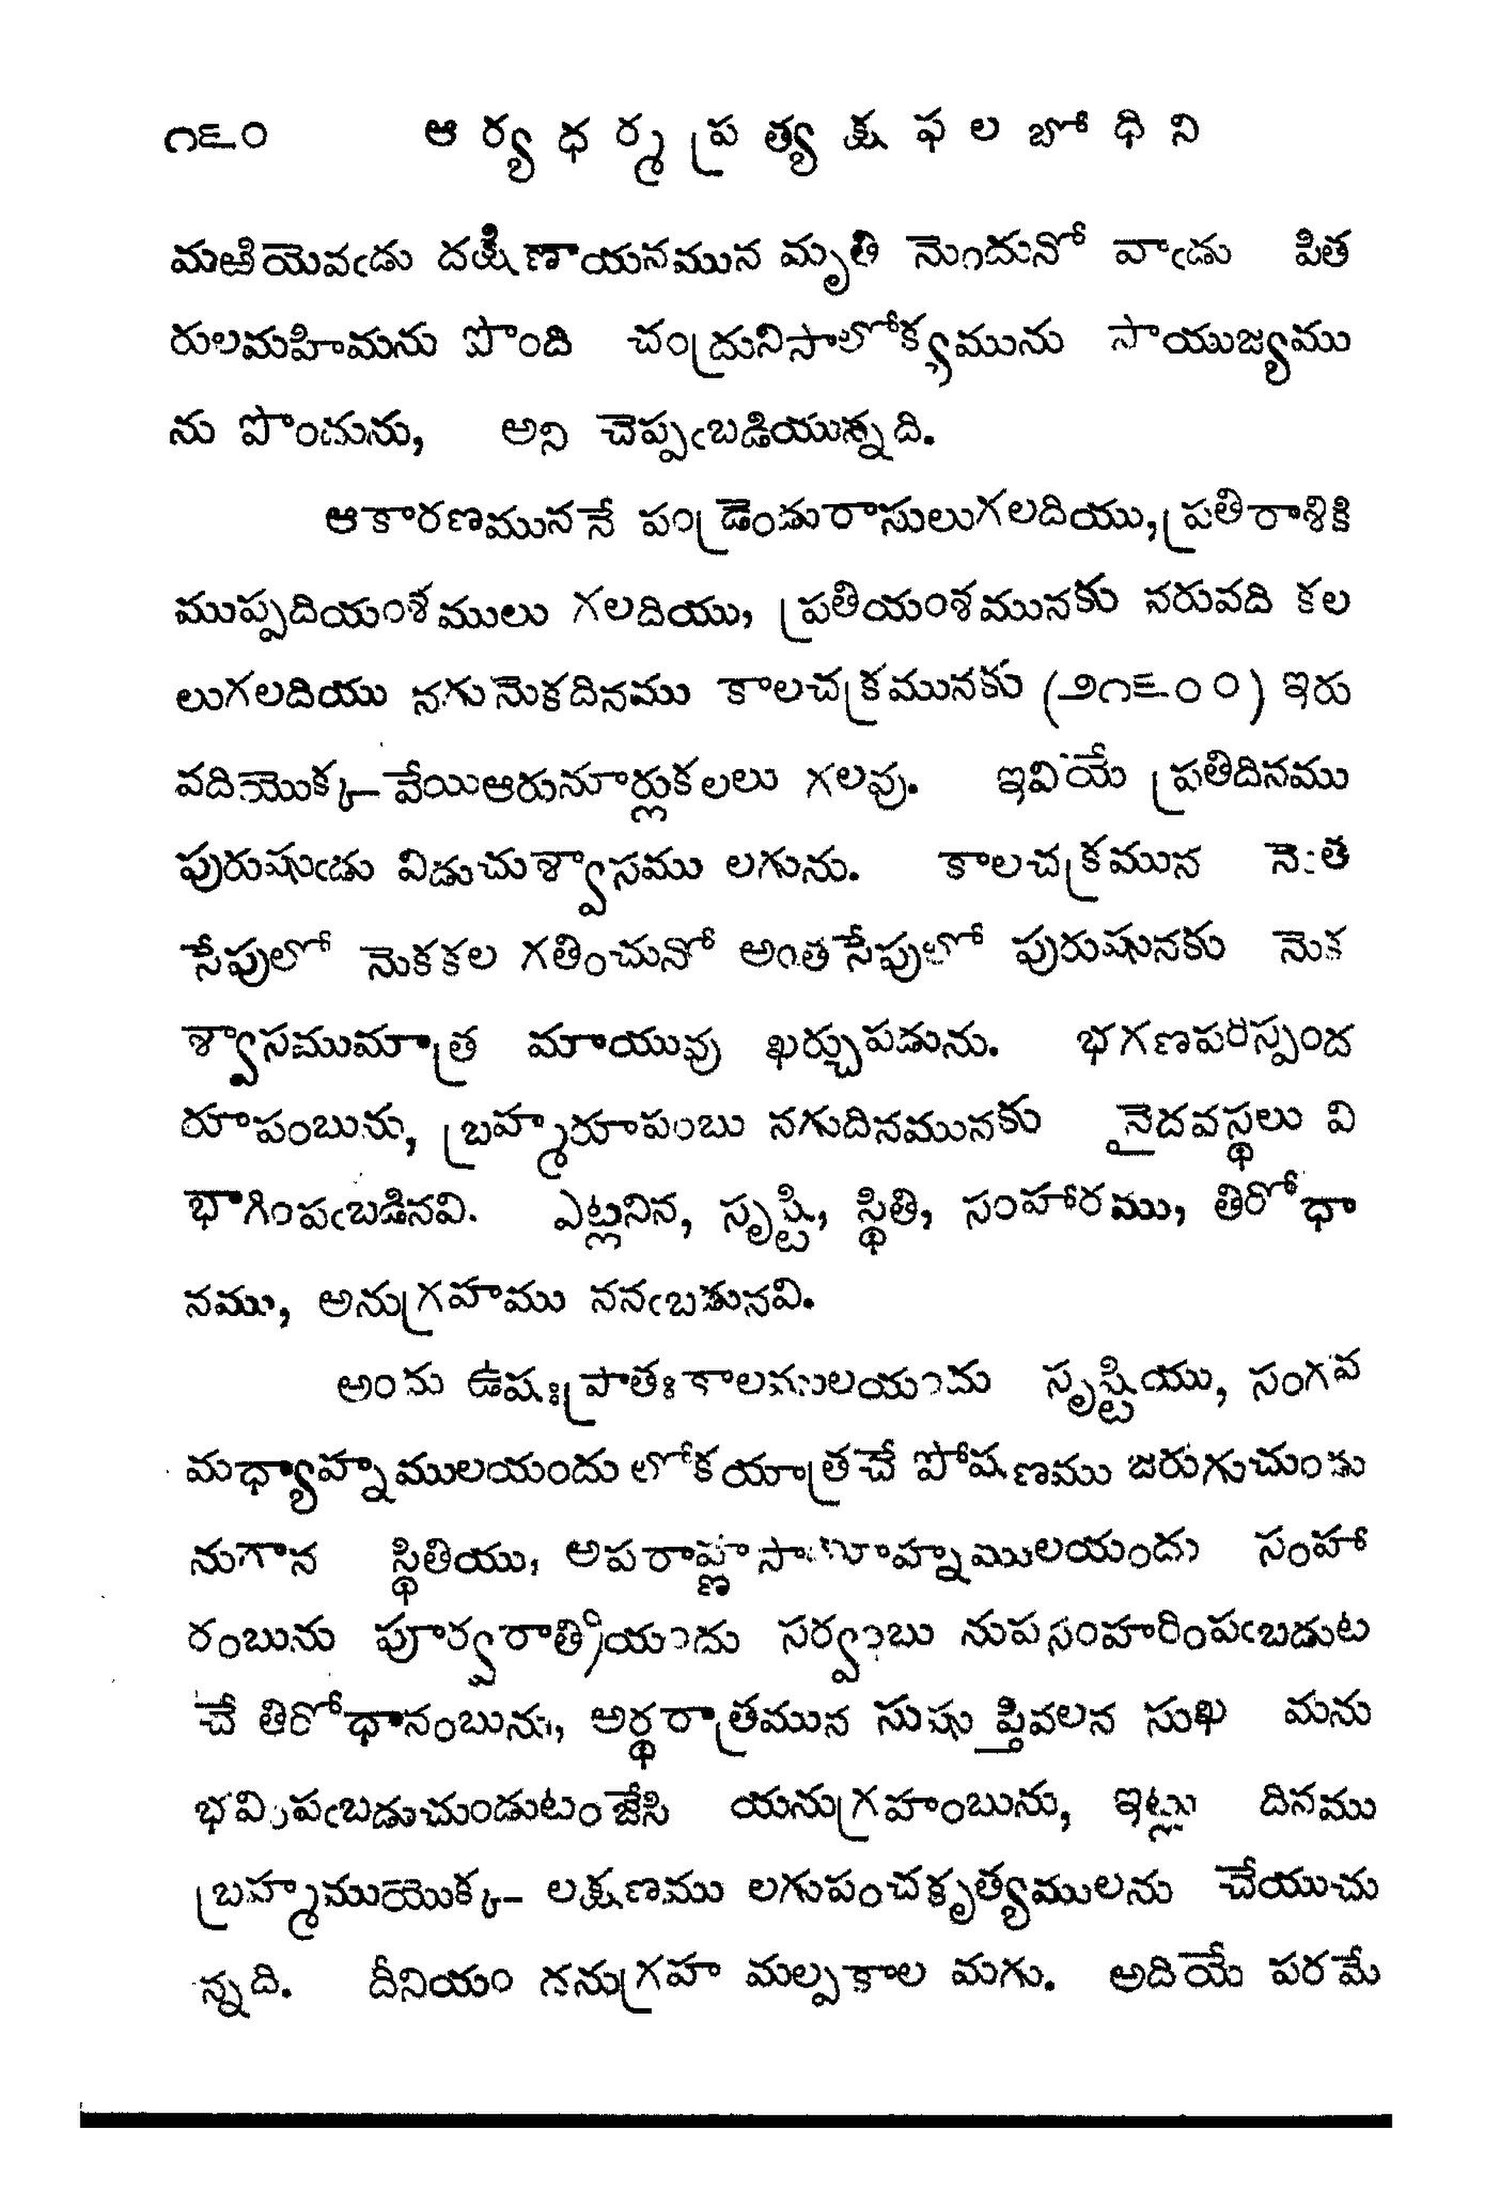మఱియెవఁడు దక్షిణాయనమున మృతి నొందునో వాఁడు పితరులమహిమను పొంది చంద్రునిసాలోక్యమును సాయుజ్యమును పొందును, అని చెప్పఁబడియున్నది.

ఆకారణముననే పండ్రెండురాసులుగలదియు, ప్రతిరాశికి ముప్పదియంశములు గలదియు, ప్రతియంశమునకు నరువది కలలుగలదియు నగునొకదినము కాలచక్రమునకు (21600) ఇరువదియొక్కవేయిఆరునూర్లుకలలు గలవు. ఇవియే ప్రతిదినము పురుషుఁడు విడుచుశ్వాసము లగును. కాలచక్రమున నెంత సేపులో నొకకల గతించునో అంతసేపులో పురుషునకు నొక శ్వాసముమాత్ర మాయువు ఖర్చుపడును. భగణపరిస్పంద
రూపంబును, బ్రహ్మరూపంబు నగుదినమునకు నైదవస్థలు విభాగింపఁబడినవి. ఎట్లనిన, సృష్టి, స్థితి, సంహారము, తిరోధనము, అనుగ్రహము ననఁబడునవి.

అందు ఉషఃప్రాతఃకాలములయందు సృష్టియు, సంగవ మధ్యాహ్నములయందు లోకయాత్రచే పోషణము జరుగుచుండునుగాన స్థితియు, అపరాహ్ణ సామీహ్నములయందు సంహారంబును పూర్వరాత్రియందు సర్వంబు నుపసంహరింపఁబడుటచే తిరోధానంబును, అర్థరాత్రమున సుషుప్తివలన సుఖ మనుభవింపఁబడుచుండుటంజేసి యనుగ్రహంబును, ఇట్లు దినము బ్రహ్మముయొక్క లక్షణము లగుపంచకృత్యములను చేయుచున్నది. దీనియం దనుగ్రహ మల్పకాల మగు. అదియే పరమే